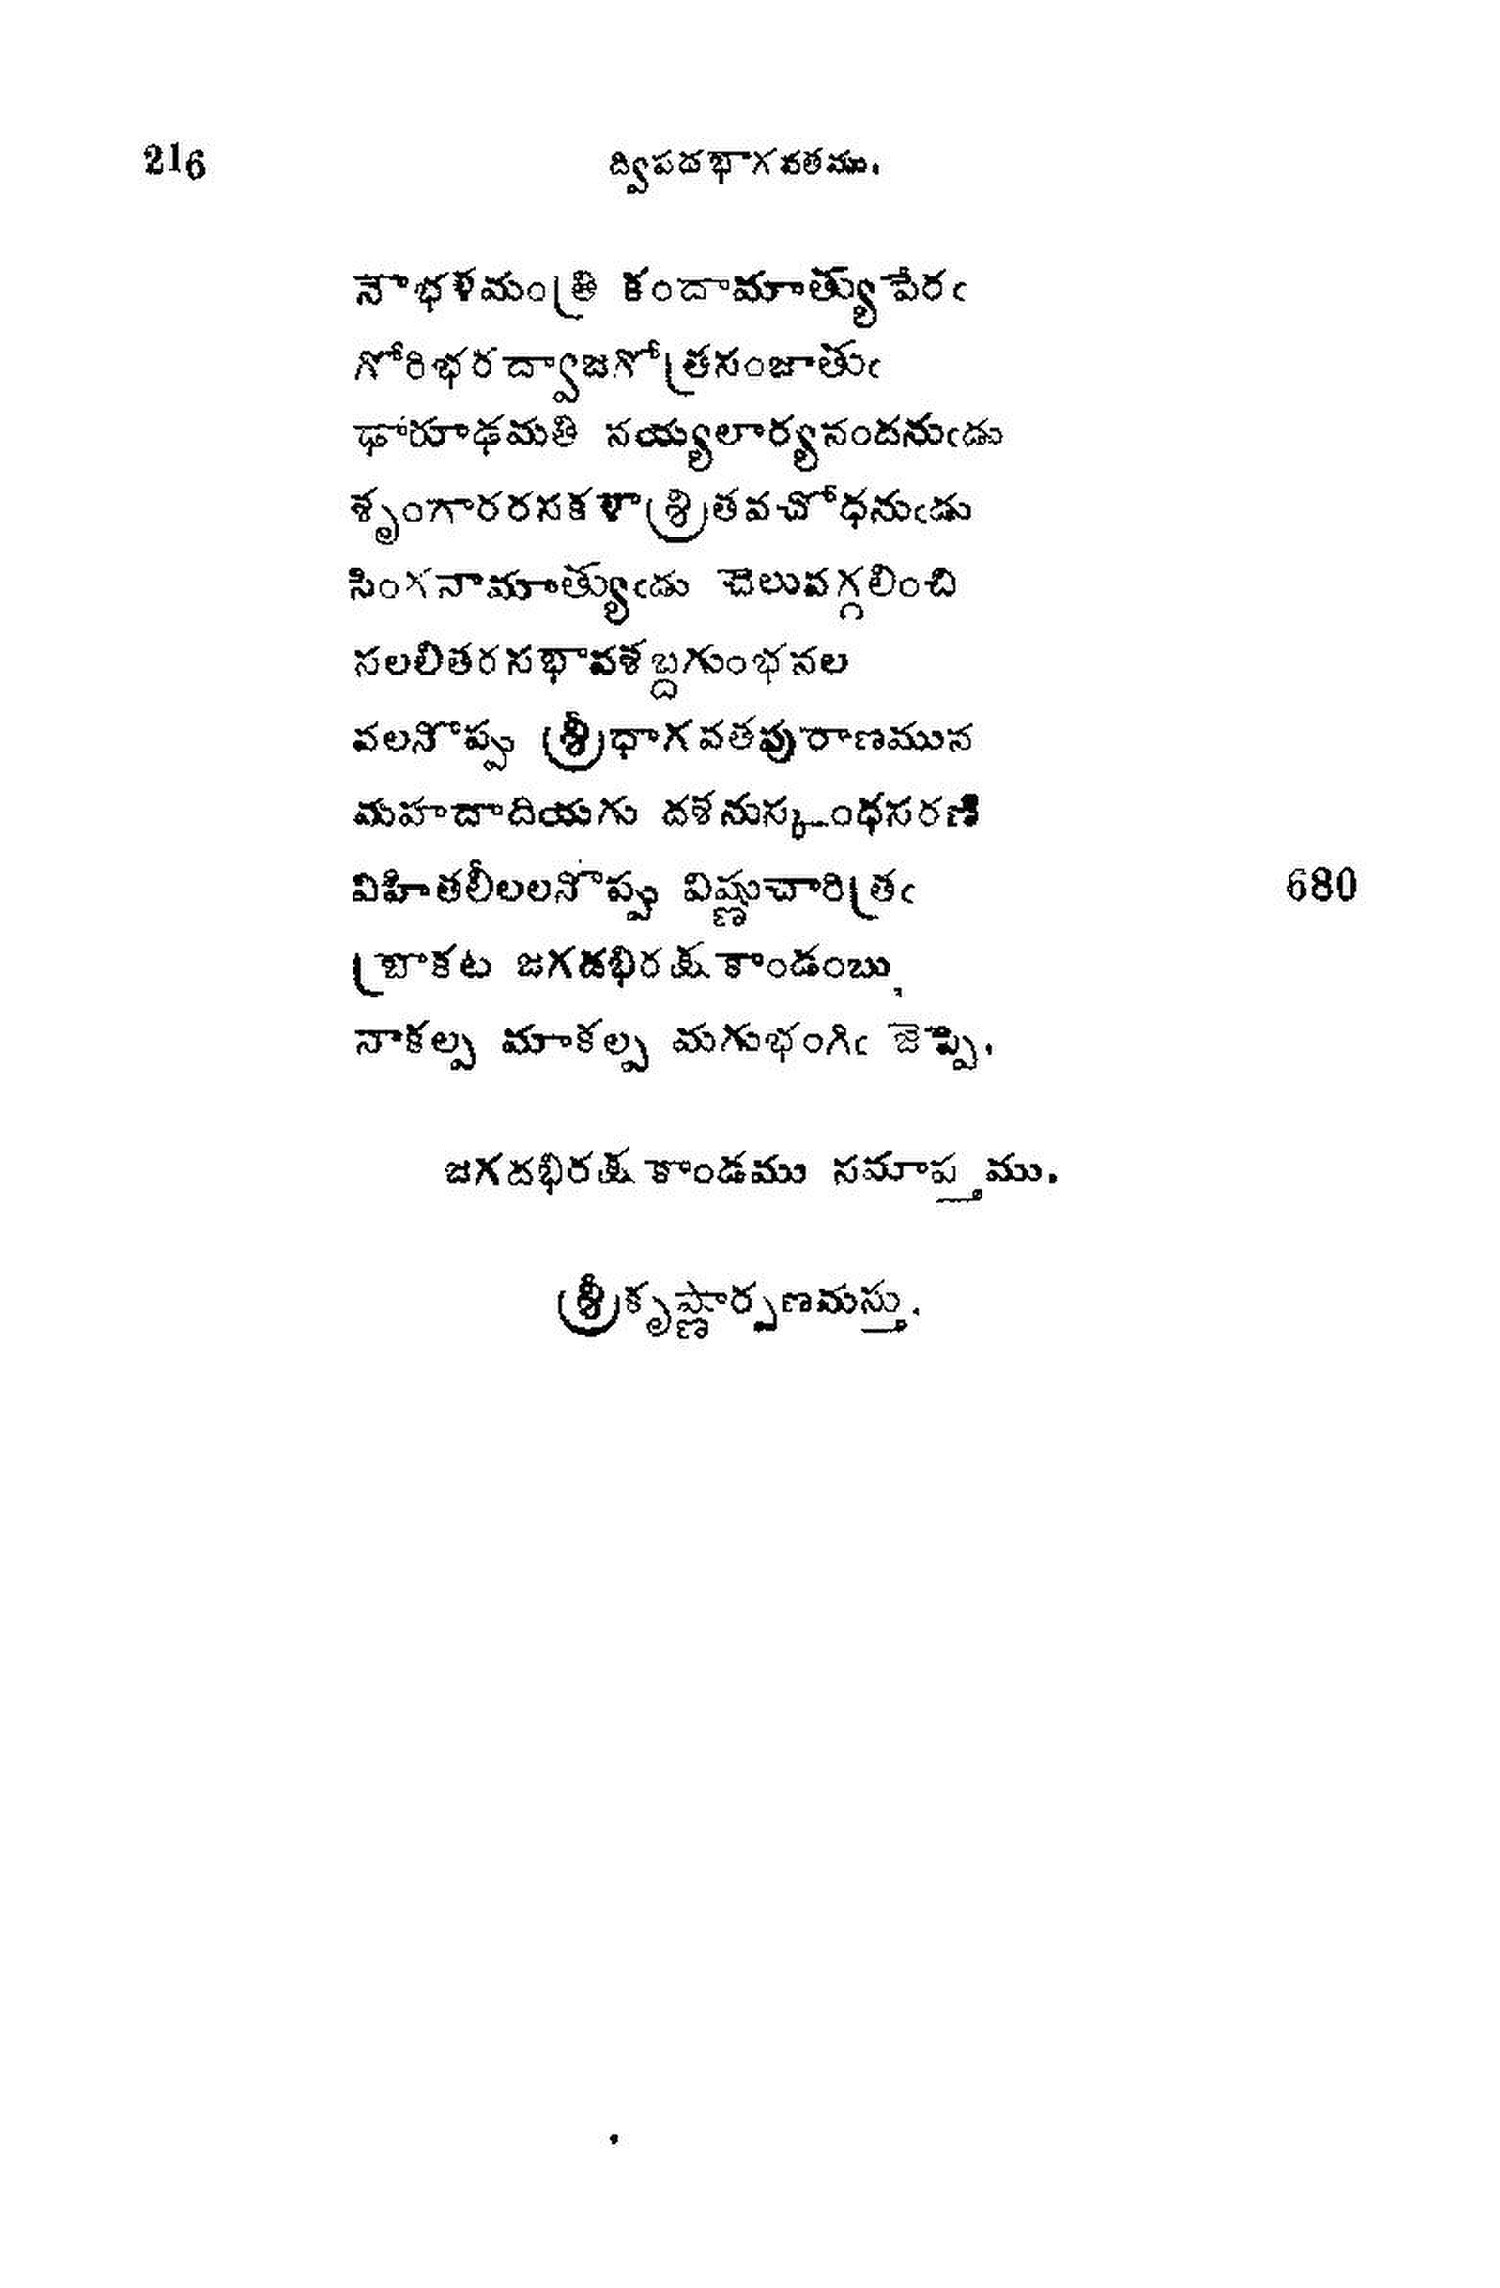నౌభళమంత్రి కందామాత్యు పేరఁ
గోరి భరద్వాజగోత్రసంజాతుఁ
ఢారూఢమతి నయ్యలార్యనందనుఁడు
శృంగారరసకళాశ్రితవచోధనుఁడు
సింగనామాత్యుఁడు చెలువగ్గలించి
సలలితరసభావశబ్దగుంభనల
వలనొప్పు శ్రీభాగవతపురాణమున
మహదాదియగు దశమస్కంధసరణి
విహితలీలలనొప్పు విష్ణుచారిత్రఁ 
బ్రాకట జగదభిరక్షకాండంబు
నాకల్ప మాకల్ప మగుభంగిఁ జెప్పె.
 
జగదభిరక్షకాండము సమాప్తము. 

శ్రీకృష్ణార్పణమస్తు.